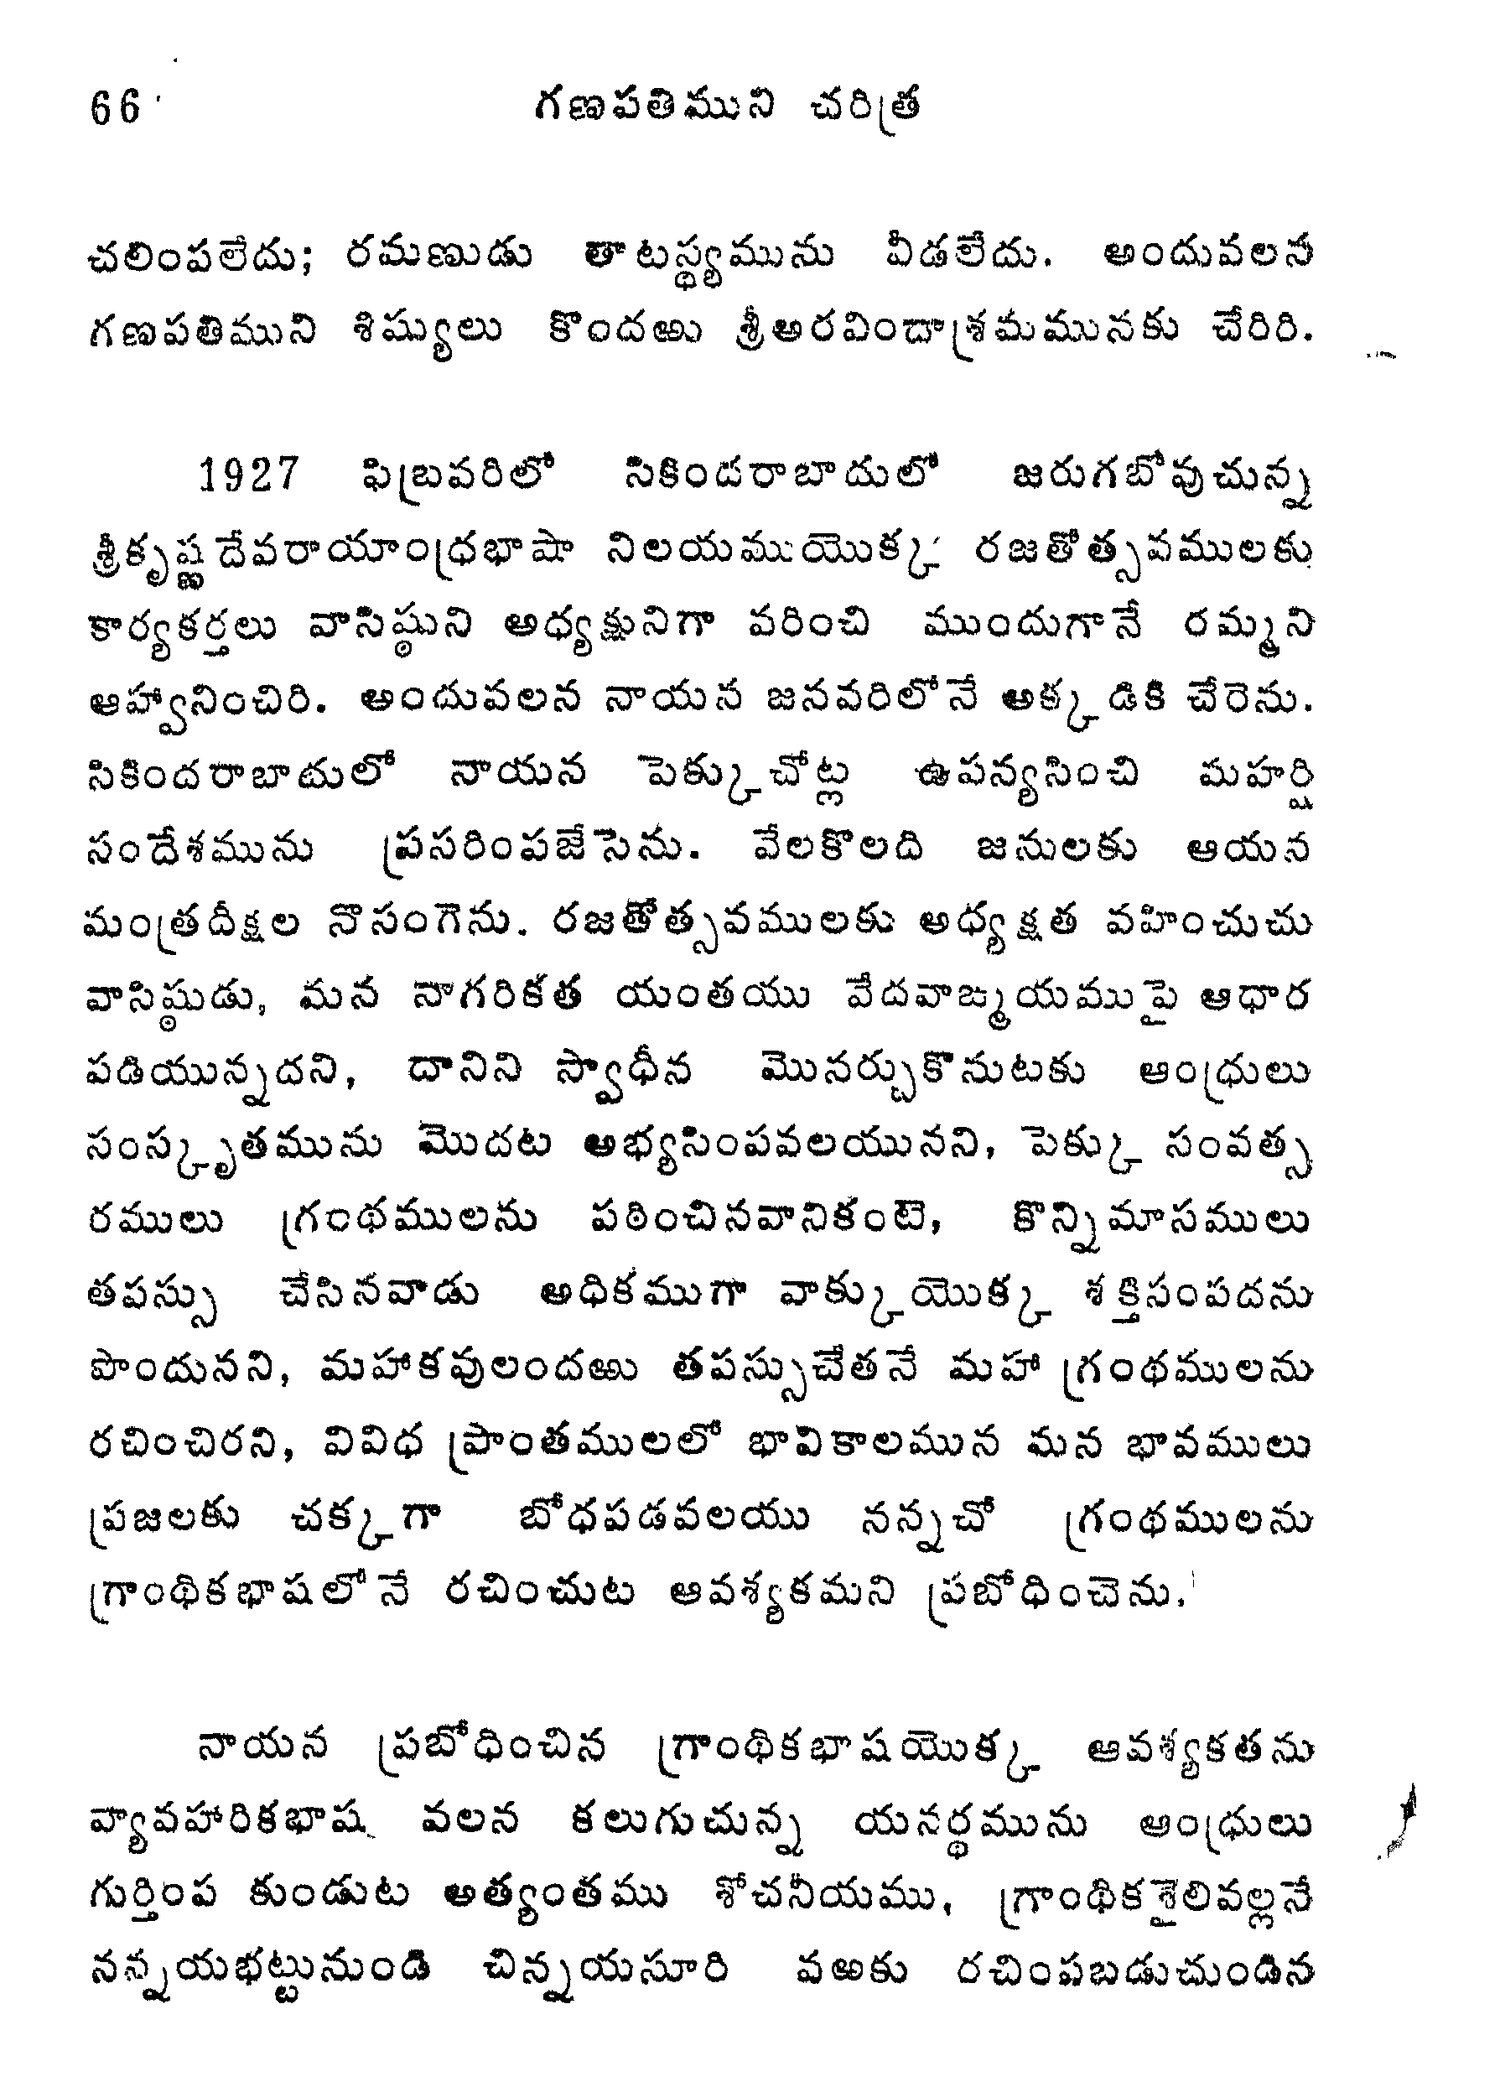చలింపలేదు; రమణుడు తాటస్థ్యమును వీడలేదు. అందువలన గణపతిముని శిష్యులు కొందఱు శ్రీఅరవిందాశ్రమమునకు చేరిరి.

1927 ఫిబ్రవరిలో సికిందరాబాదులో జరుగబోవుచున్న శ్రీకృష్ణదేవరాయాంధ్రభాషా నిలయముయొక్క రజతోత్సవములకు కార్యకర్తలు వాసిష్ఠుని అధ్యక్షునిగా వరించి ముందుగానే రమ్మని ఆహ్వానించిరి. అందువలన నాయన జనవరిలోనే అక్కడికి చేరెను. సికిందరాబాదులో నాయన పెక్కుచోట్ల ఉపన్యసించి మహర్షి సందేశమును ప్రసరింపజేసెను. వేలకొలది జనులకు ఆయన మంత్రదీక్షల నొసంగెను. రజతోత్సవములకు అధ్యక్షత వహించుచు వాసిష్ఠుడు, మన నాగరికత యంతయు వేదవాజ్మయముపై ఆధారపడియున్నదని, దానిని స్వాధీన మొనర్చుకొనుటకు ఆంధ్రులు సంస్కృతమును మొదట అభ్యసింపవలయునని, పెక్కు సంవత్సరములు గ్రంథములను పఠించినవానికంటె, కొన్ని మాసములు తపస్సు చేసినవాడు అధికముగా వాక్కుయొక్క శక్తిసంపదను పొందునని, మహాకవులందఱు తపస్సుచేతనే మహా గ్రంథములను రచించిరని, వివిధ ప్రాంతములలో భావికాలమున మన భావములు ప్రజలకు చక్కగా బోధపడవలయు నన్నచో గ్రంథములను గ్రాంథికభాషలోనే రచించుట అవశ్యకమని ప్రబోధించెను.

నాయన ప్రబోధించిన గ్రాంథికభాషయొక్క ఆవశ్యకతను వ్యావహారికభాష వలన కలుగుచున్న యనర్థమును ఆంధ్రులు గుర్తింప కుండుట అత్యంతము శోచనీయము. గ్రాంథికశైలివల్లనే నన్నయభట్టునుండి చిన్నయసూరి వఱకు రచింపబడు చుండిన